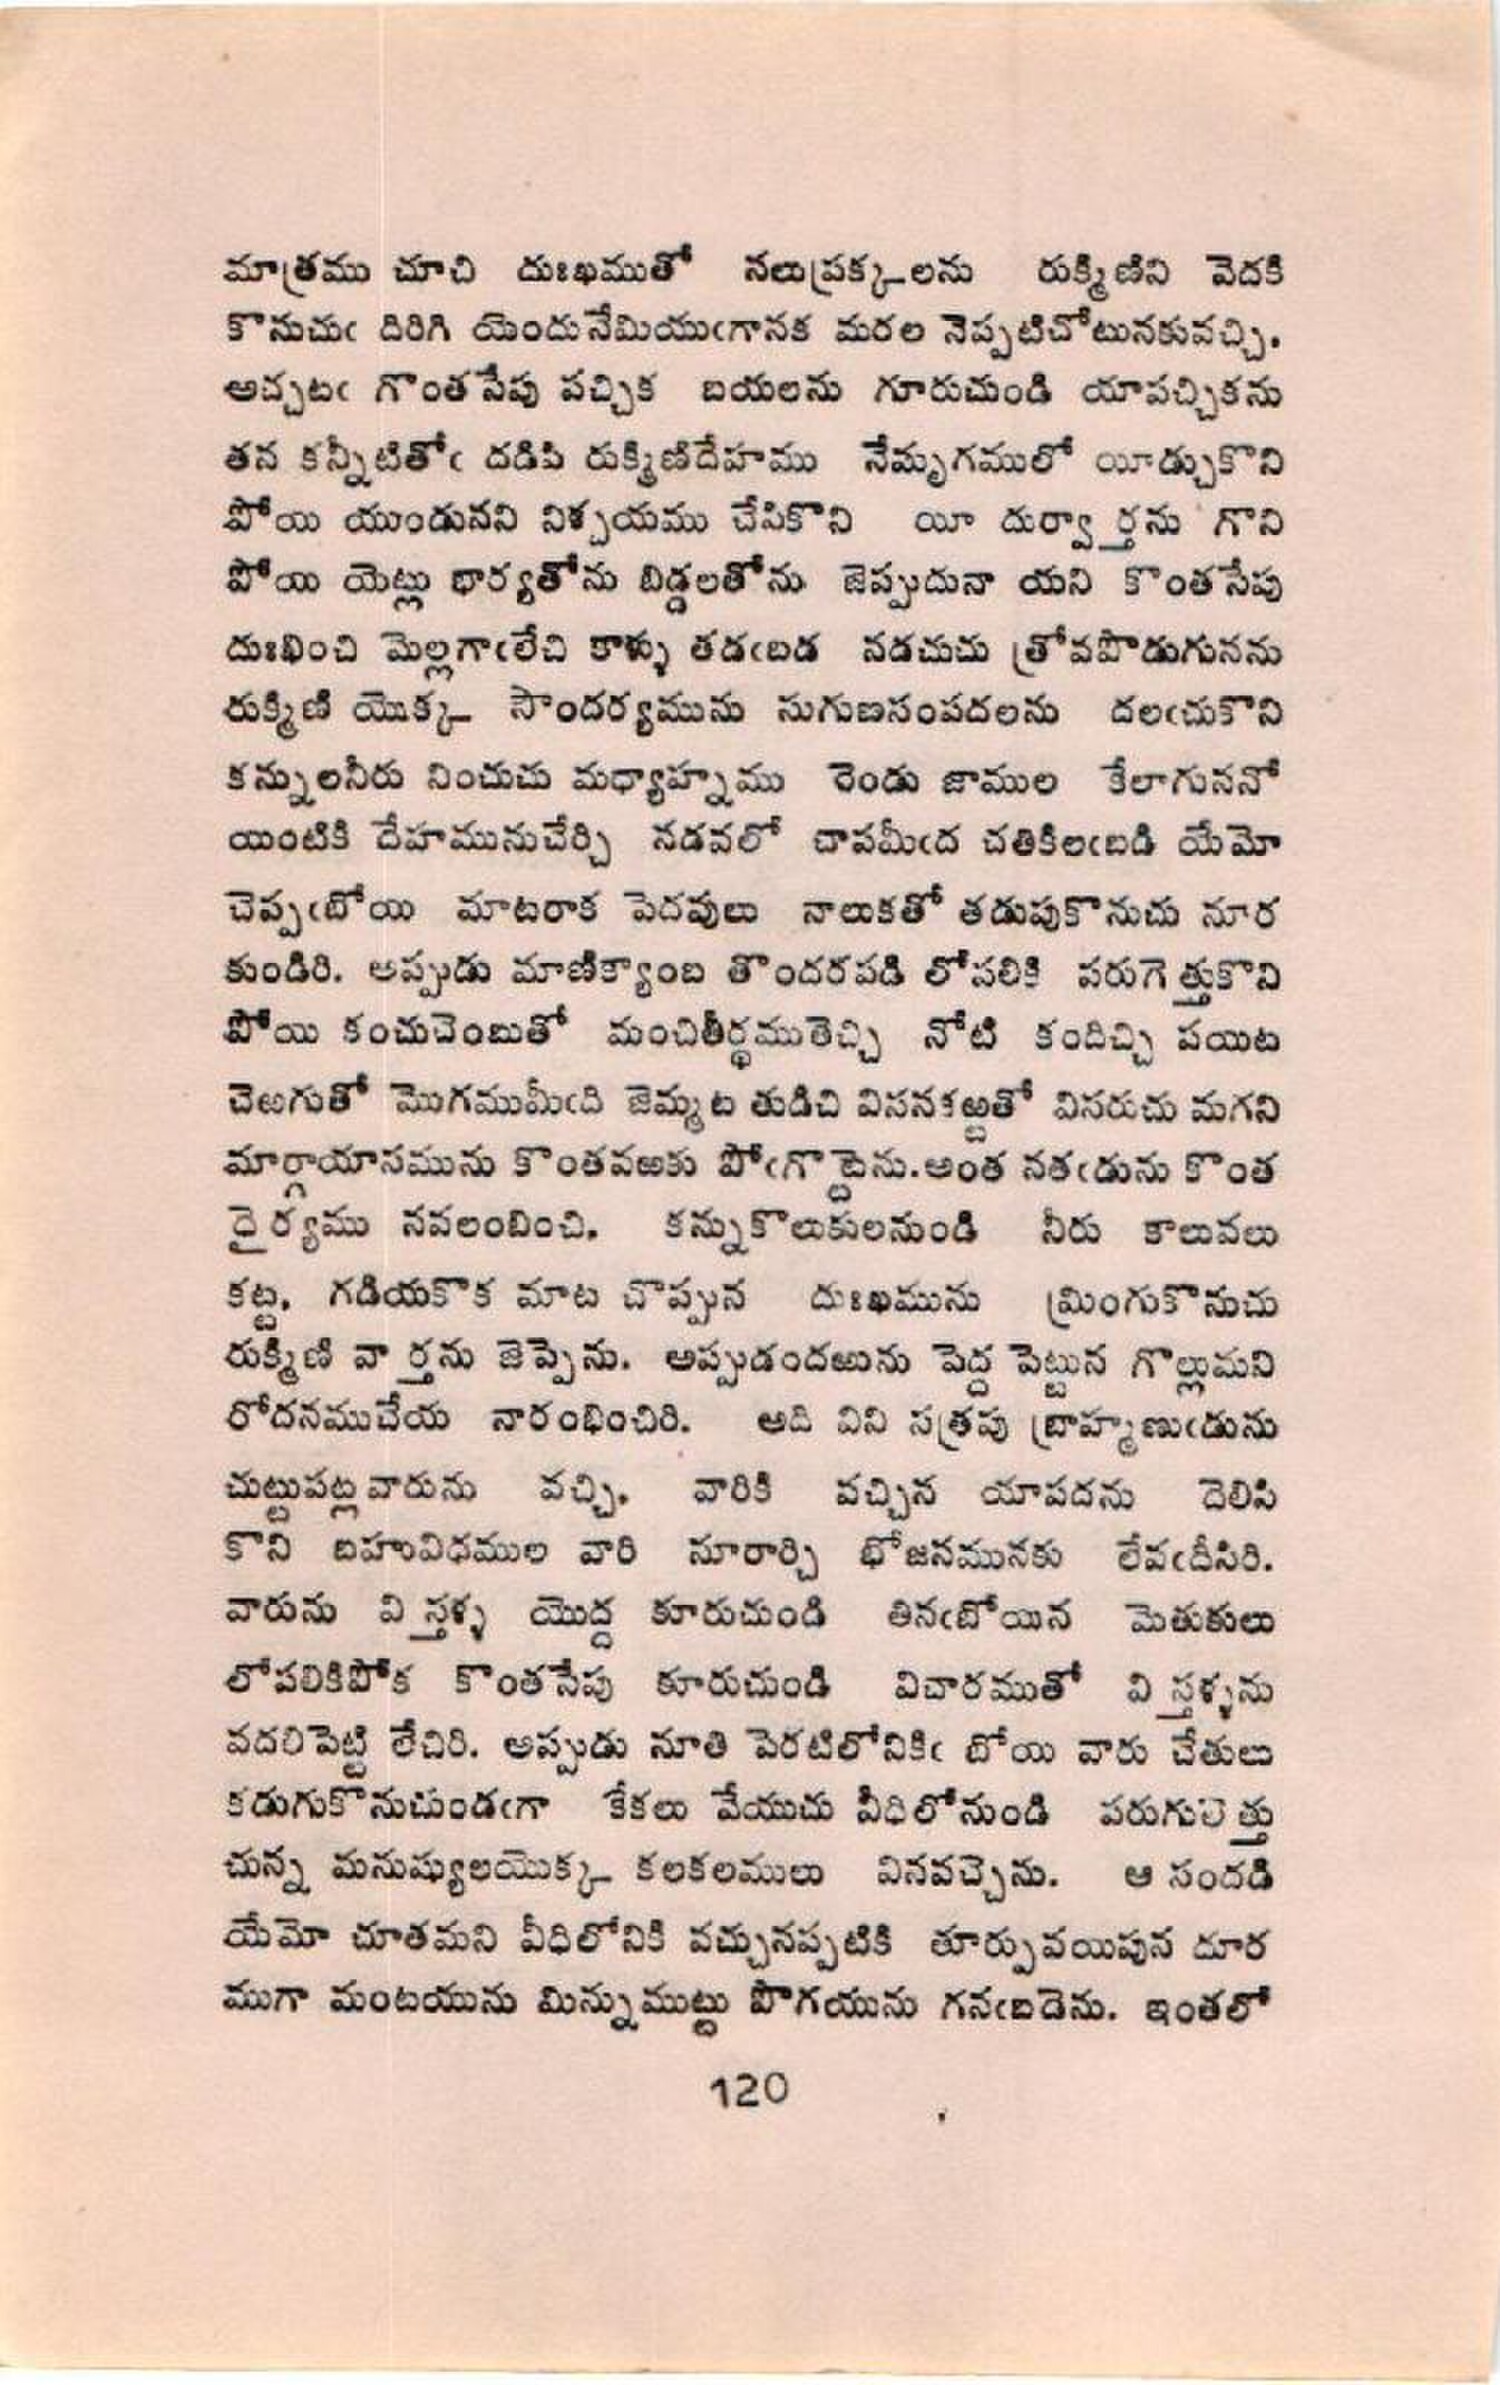మాత్రము చూచి దుఃఖముతో నలుప్రక్కలను రుక్మిణిని వెదకి కొనుచుఁ దిరిగి యెందునేమియుఁగానక మరల నెప్పటిచోటునకువచ్చి, అచ్చట గొంతసేపు పచ్చిక బయలను గూరుచుండి యాపచ్చికను తన కన్నీటితోఁ దడిపి రుక్మిణిదేహము నేమృగములో యీడ్చుకొని పోయి యుండునని నిశ్చయము చేసికొని యీ దుర్వార్తను గొని పోయి యెట్లు భార్యతోను బిడ్డలతోను జెప్పుదునా యని కొంతసేపు దుఃఖించి మెల్లగాఁలేచి కాళ్ళు తడఁబడ నడచుచు త్రోవపొడుగునను రుక్మిణి యొక్క సౌందర్యమును సుగుణసంపదలను దలఁచుకొని కన్నులనీరు నించుచు మధ్యాహ్నము రెండు జాముల కేలాగుననో యింటికి దేహమును చేర్చి నడవలో చాపమీఁద చతికిలఁబడి యేమో చెప్పఁబోయి మాటరాక పెదవులు నాలుకతో తడుపుకొనుచు నూర కుండిరి. అప్పుడు మాణిక్యాంబ తొందరపడి లోపలికి పరుగెత్తుకొని పోయి కంచు చెంబుతో మంచితీర్థము తెచ్చి నోటి కందిచ్చి పయిట చెఱగుతో మొగముమీఁది జెమ్మట తుడిచి విసనకఱ్ఱతో విసరుచు మగని మార్గాయాసమును కొంతవఱకు పోఁగొట్టెను. అంత నతఁడును కొంత ధైర్యము నవలంబించి, కన్నుకొలకులనుండి నీరు కాలువలు కట్ట గడియకొక మాట చొప్పున దుఃఖమును మ్రింగుకొనుచు రుక్మిణి వార్తను జెప్పెను. అప్పుడందఱును పెద్ద పెట్టున గొల్లుమని రోదనముచేయ నారంభించిరి. అది విని సత్రపు బ్రాహ్మణుఁడును చుట్టుపట్ల వారును వచ్చి, వారికి వచ్చిన యాపదను దెలిసి కొని బహువిధముల వారి నూరార్చి భోజనమునకు లేవఁదీసిరి. వారును విస్తళ్ళ యొద్ద కూరుచుండి తినఁబోయిన మెతుకులు లోపలికిపోక కొంతసేపు కూరుచుండి విచారముతో విస్తళ్ళను వదలిపెట్టి లేచిరి. అప్పుడు నూతి పెరటిలోనికిఁ బోయి వారు చేతులు కడుగుకొనుచుండఁగా కేకలు వేయుచు వీధిలోనుండి పరుగులెత్తు చున్న మనుష్యులయొక్క కలకలములు వినవచ్చెను. ఆ సందడి యేమో చూతమని వీధిలోనికి వచ్చునప్పటికి తూర్పువయిపున దూరముగా మంటయును మిన్నుముట్టు పొగయును గనఁబడెను. ఇంతలో